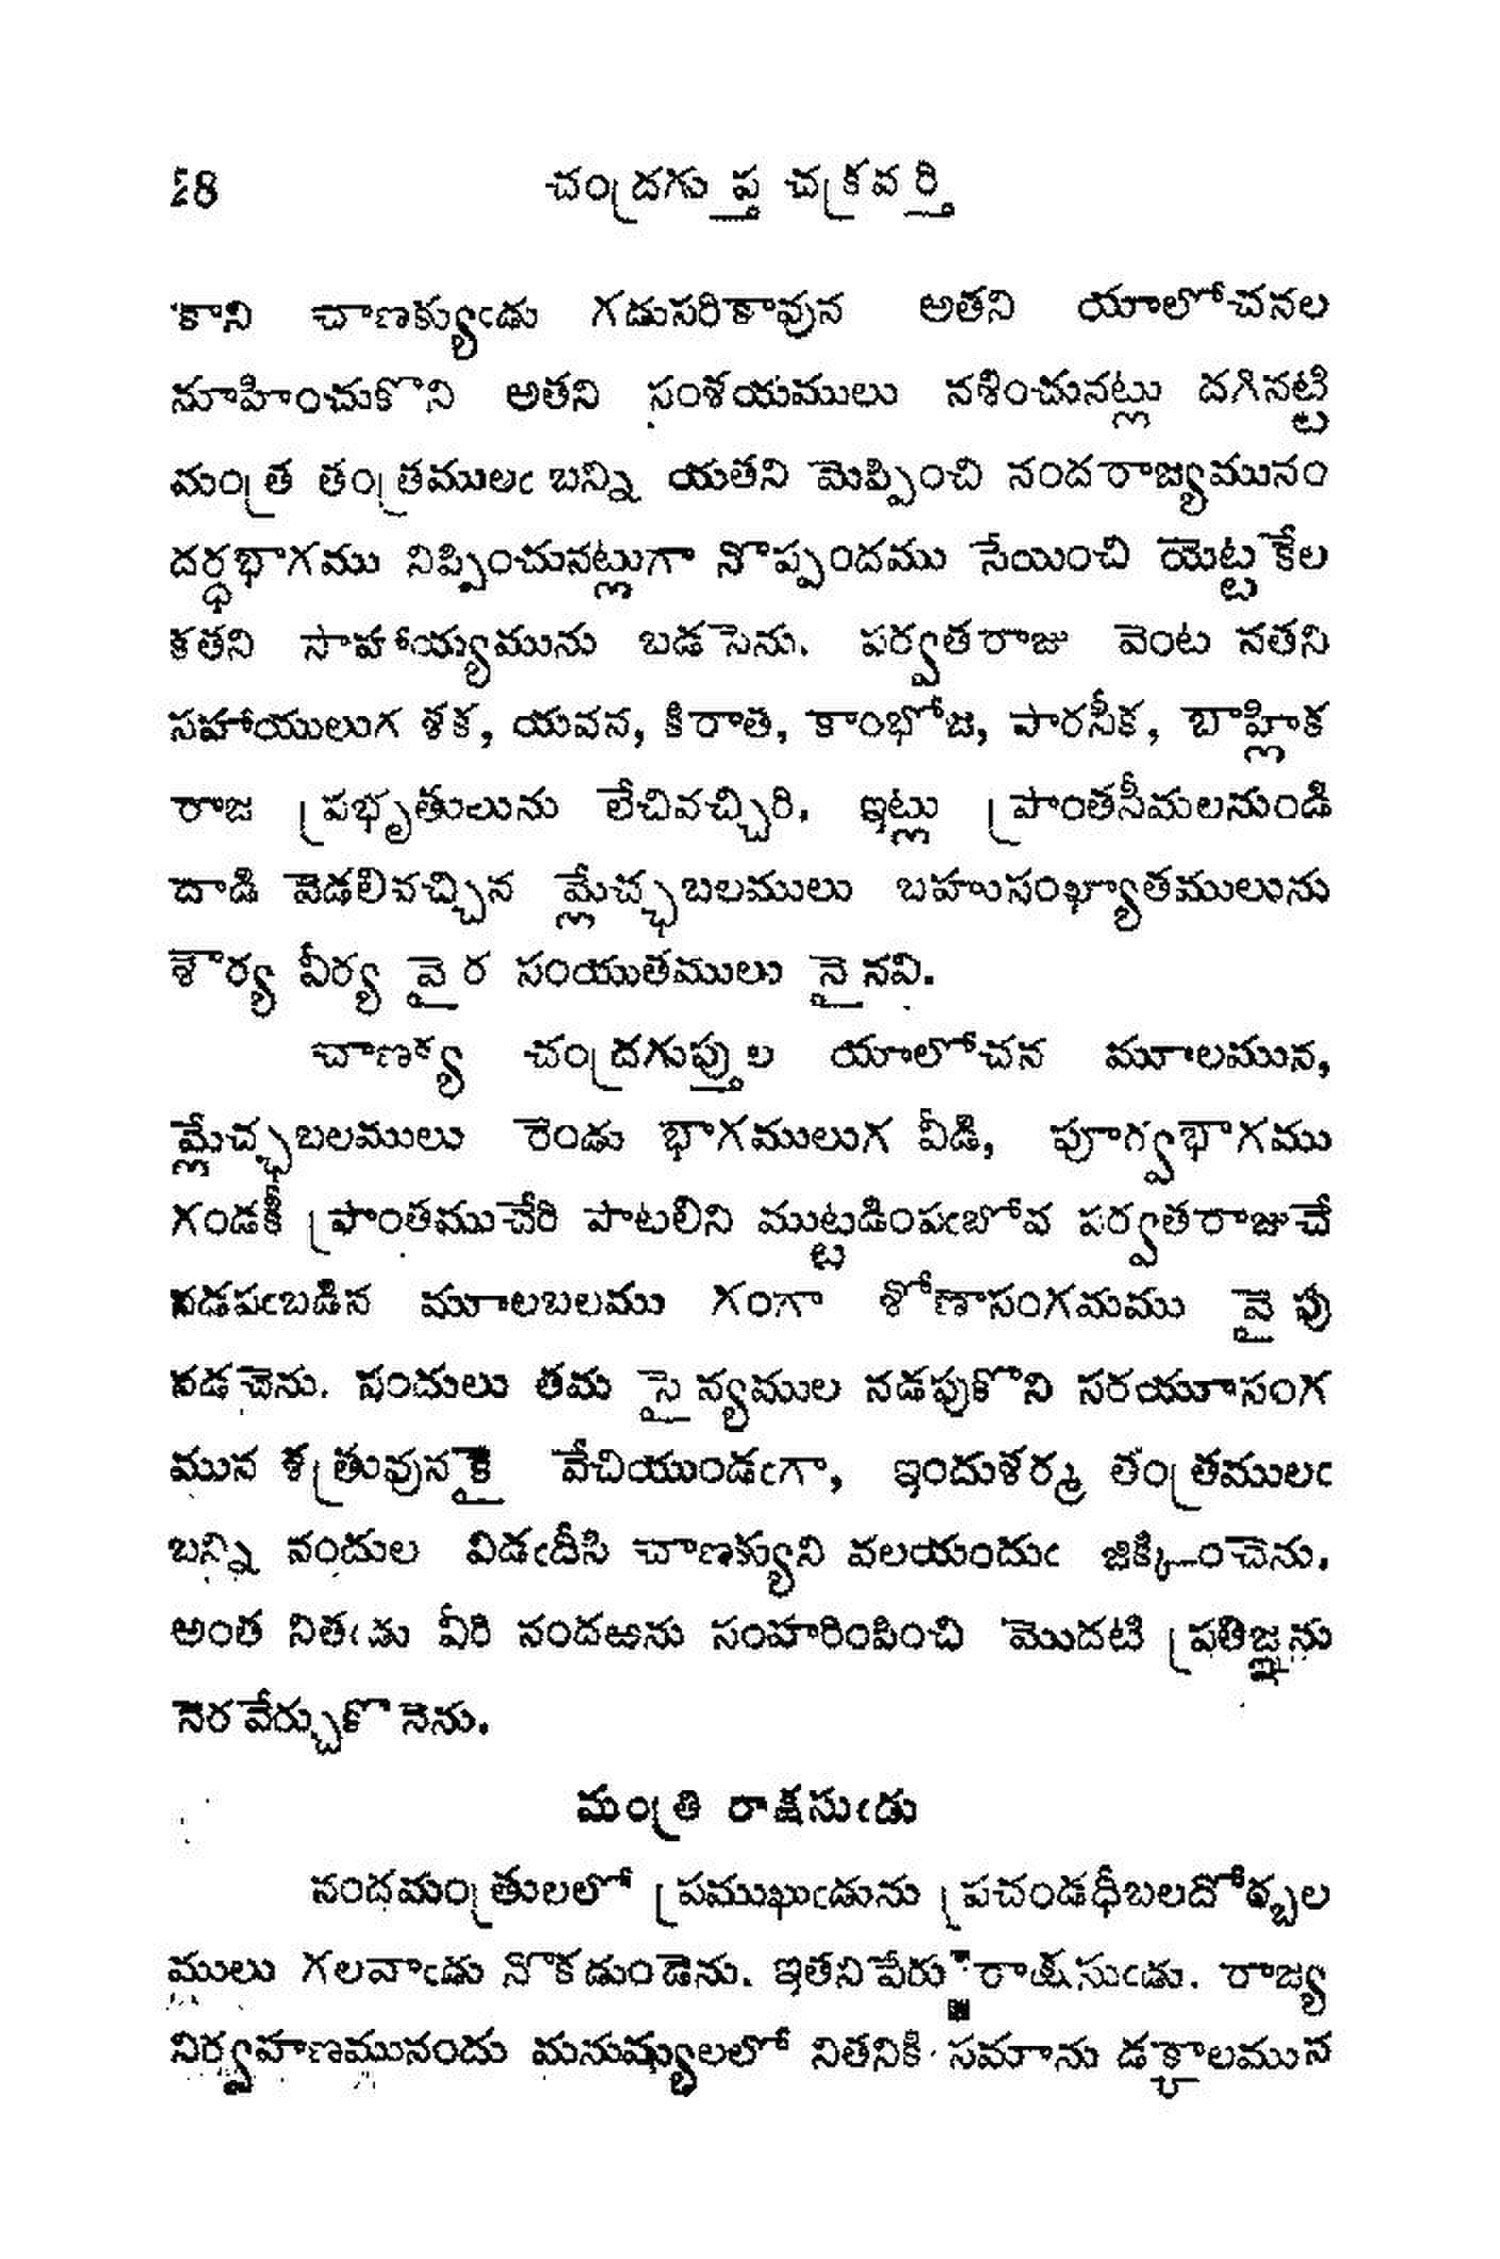కాని చాణక్యుఁడు గడుసరికావున అతని యాలోచనల నూహించుకొని అతని సంశయములు నశించునట్లు దగినట్టి మంత్ర తంత్రములఁ బన్ని యతని మెప్పించి నందరాజ్యమునం దర్ధభాగము నిప్పించునట్లుగా నొప్పందము సేయించి యెట్టకేల కతని సాహాయ్యమును బడసెను. పర్వతరాజు వెంట నతని సహాయులుగ శక, యవన, కిరాత, కాంభోజ, పారసీక, బాహ్లిక రాజ ప్రభృతులును లేచివచ్చిరి. ఇట్లు ప్రాంతసీమలనుండి దాడి వెడలివచ్చిన మ్లేచ్ఛబలములు బహుసంఖ్యాతములును శౌర్య వీర్య వైర సంయుతములు నైనవి.

చాణక్య చంద్రగుప్తుల యాలోచన మూలమున, మ్లేచ్ఛబలములు రెండు భాగములుగ వీడి, పూర్వభాగము గండకీ ప్రాంతముచేరి పాటలిని ముట్టడింపఁబోవ పర్వతరాజుచే నడపఁబడిన మూలబలము గంగా శోణాసంగమము వైపు నడచెను. నందులు తమ సైన్యముల నడపుకొని సరయూసంగమున శత్రువునకై వేచియుండఁగా, ఇందుశర్మ తంత్రములఁ బన్ని నందుల విడఁదీసి చాణక్యుని వలయందుఁ జిక్కించెను. అంత నితఁడు వీరి నందఱను సంహరింపించి మొదటి ప్రతిజ్ఞను నెరవేర్చుకొనెను.

మంత్రి రాక్షసుఁడు

నందమంత్రులలో ప్రముఖుఁడును ప్రచండధీబలదోద్బలములు గలవాఁడు నొకడుండెను. ఇతనిపేరు రాక్షసుఁడు రాజ్య నిర్వహణమునందు మనుష్యులలో నితనికి సమాను డక్కాలమున